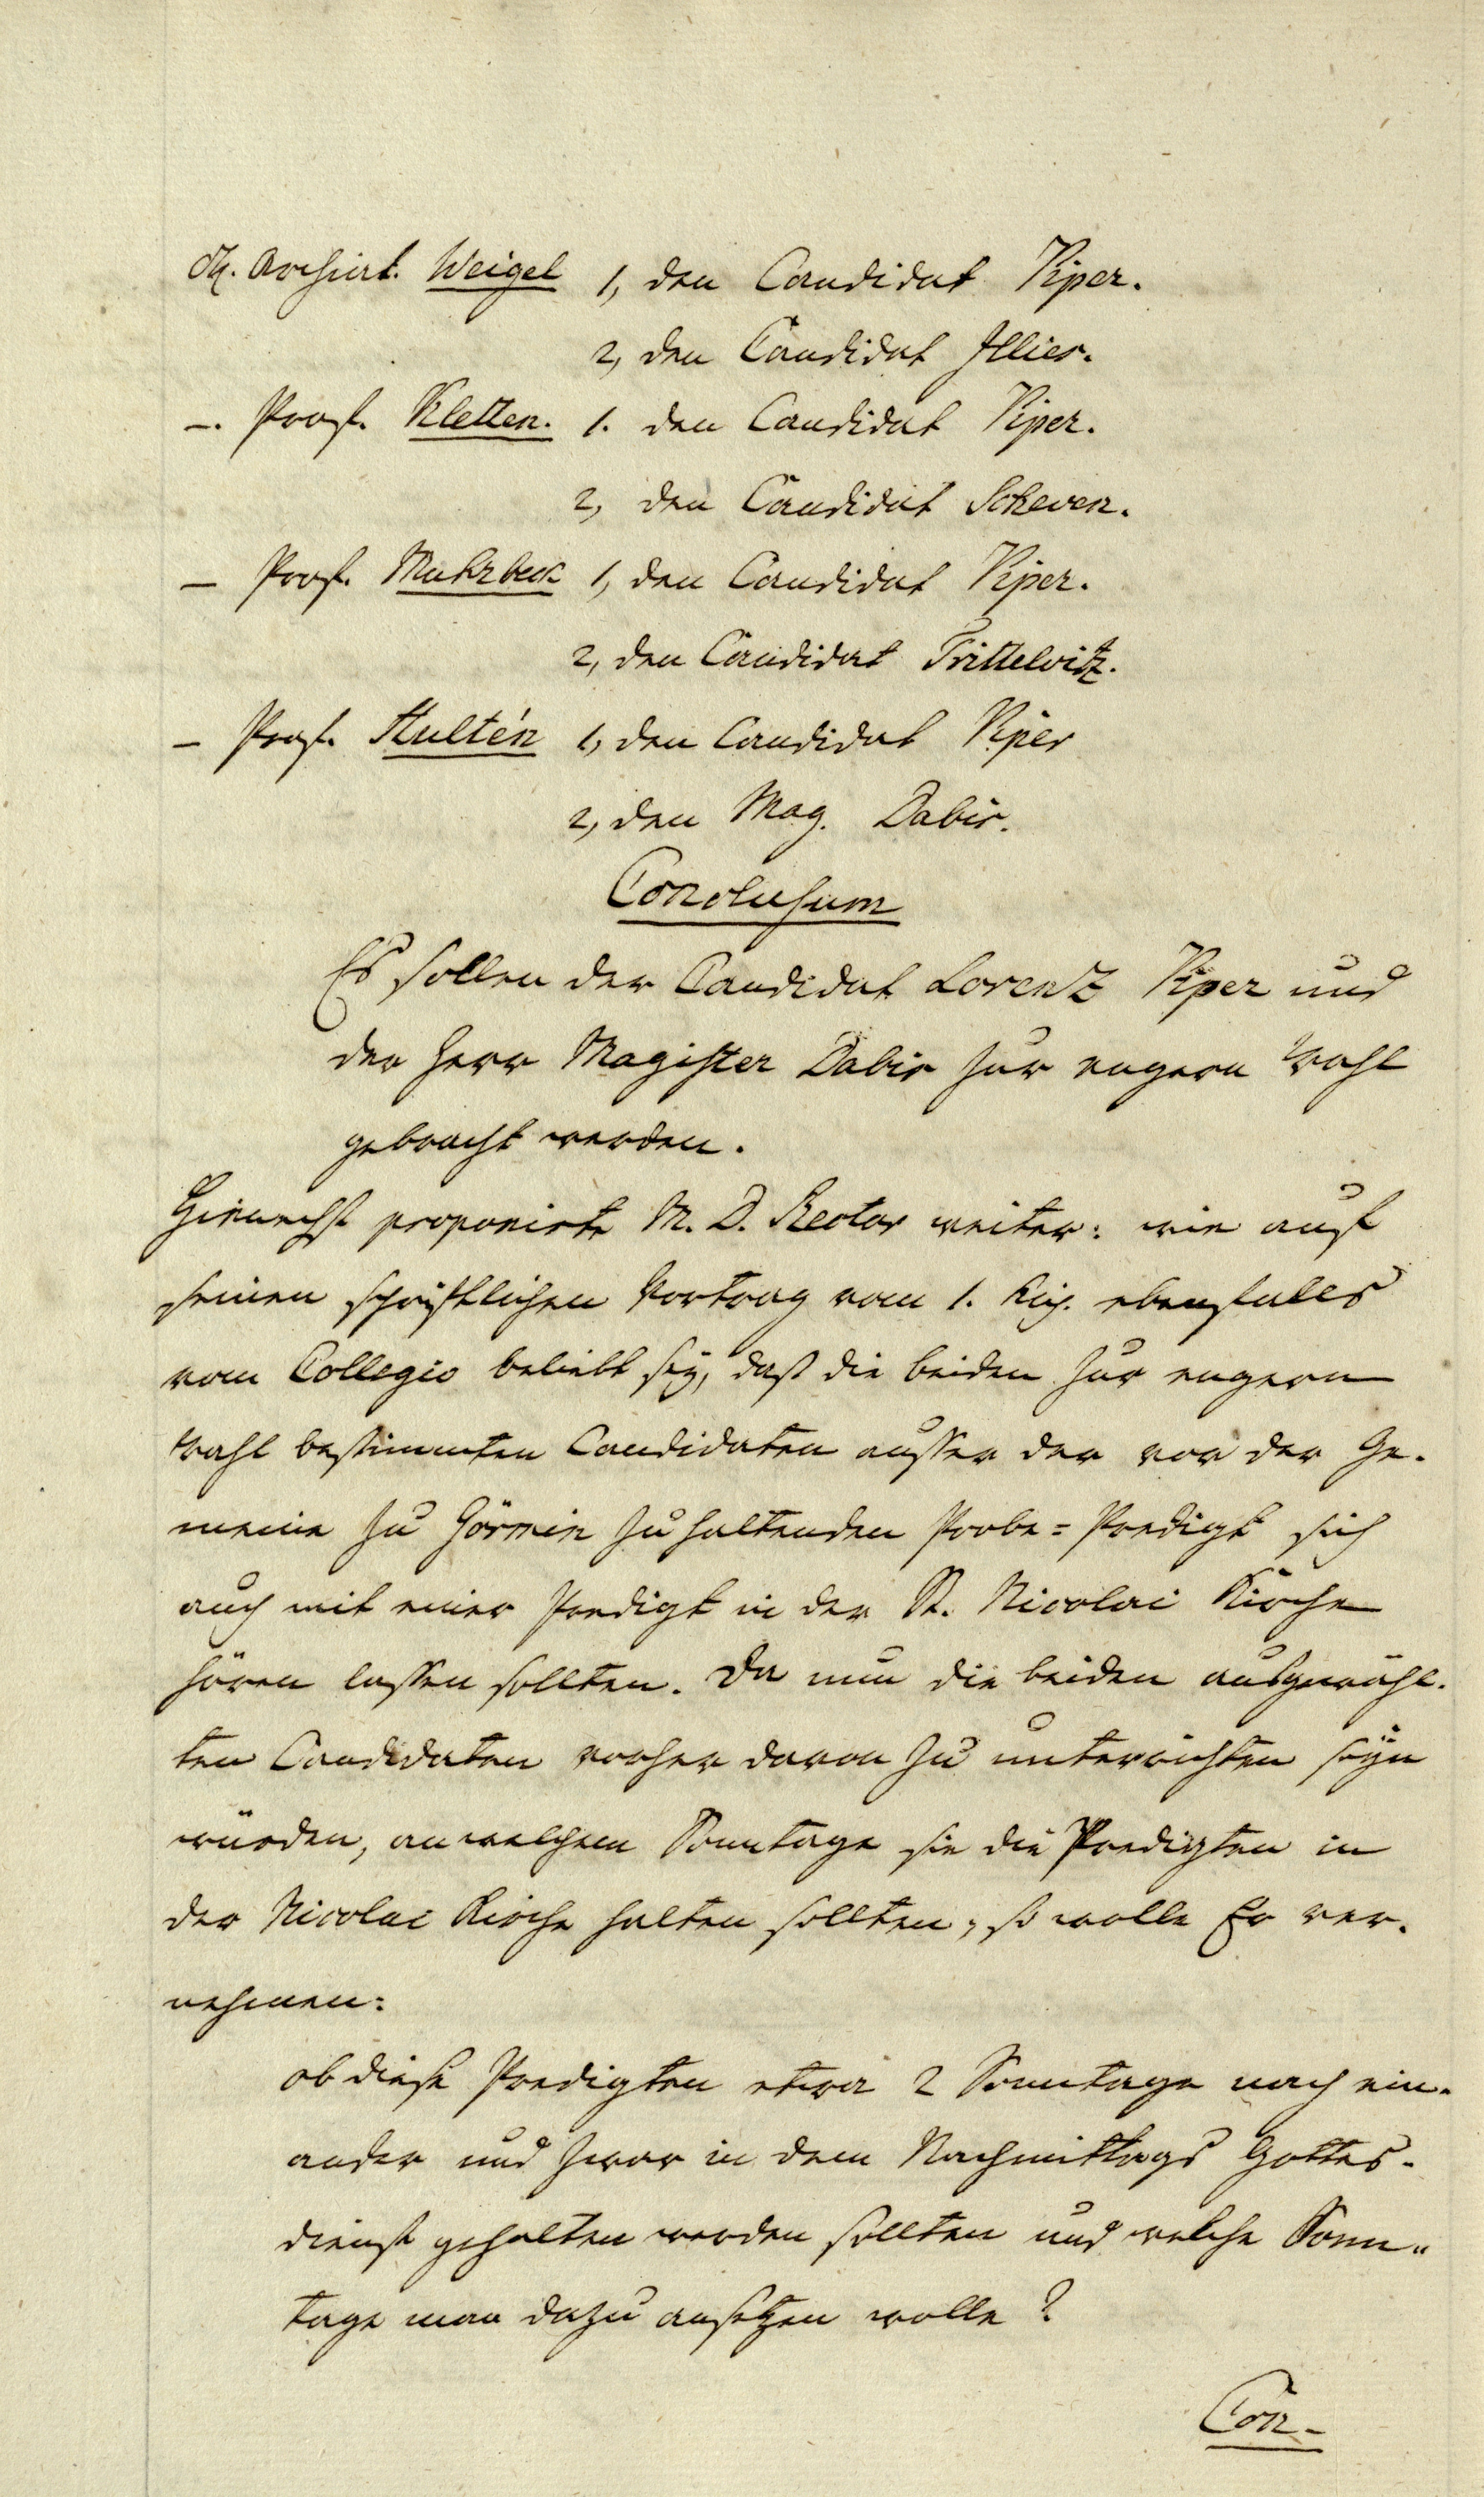dh. Archiat. Weigel 1, den Candidat Piper.
2, den Candidat Illies.
Prof. Kletten. 1. den Candidat Piper.
2, den Candidat Scheven.
Prof. Muhrbeck 1, den Candidat Piper.
2, den Candidat Trittelvitz.
Prof. Hultén 1, den Candidat Piper
2, den Mag. Dabis.
Conclusum
Es sollen der Candidat Lorenz Piper und
der Herr Magister Dabis zur engern Wahl
gebracht werden.
Hienechst proponirte M. D. Rector weiter: wie auf
seinen schriftlichen Vortrag vom 1. huj. ebenfalls
vom Collegio beliebt seÿ, daß die beiden zur engern
Wahl bestimmten Candidaten ausser der vor der Ge¬
meine zu Görmin zu haltenden Probe- Predigt sich
auch mit einer Predigt in der Sr. Nicolai Kirchen
hören lassen sollten. Da nun die beiden ausgewähl¬
ten Candidaten vorher davon zu unterrichten seÿn
würden, an welchem Sonntage sie die Predigten in
der Nicolai Kirche halten sollten; so wolle Er ver¬
nehmen:
ob diese Predigten etwa 2 Sonntage nach ein¬
ander und zwar in dem Nachmittags Gottes¬
diest gehalten worden sollten und welche Sonn¬
tage man dazu ansetzen wolle ?
Con